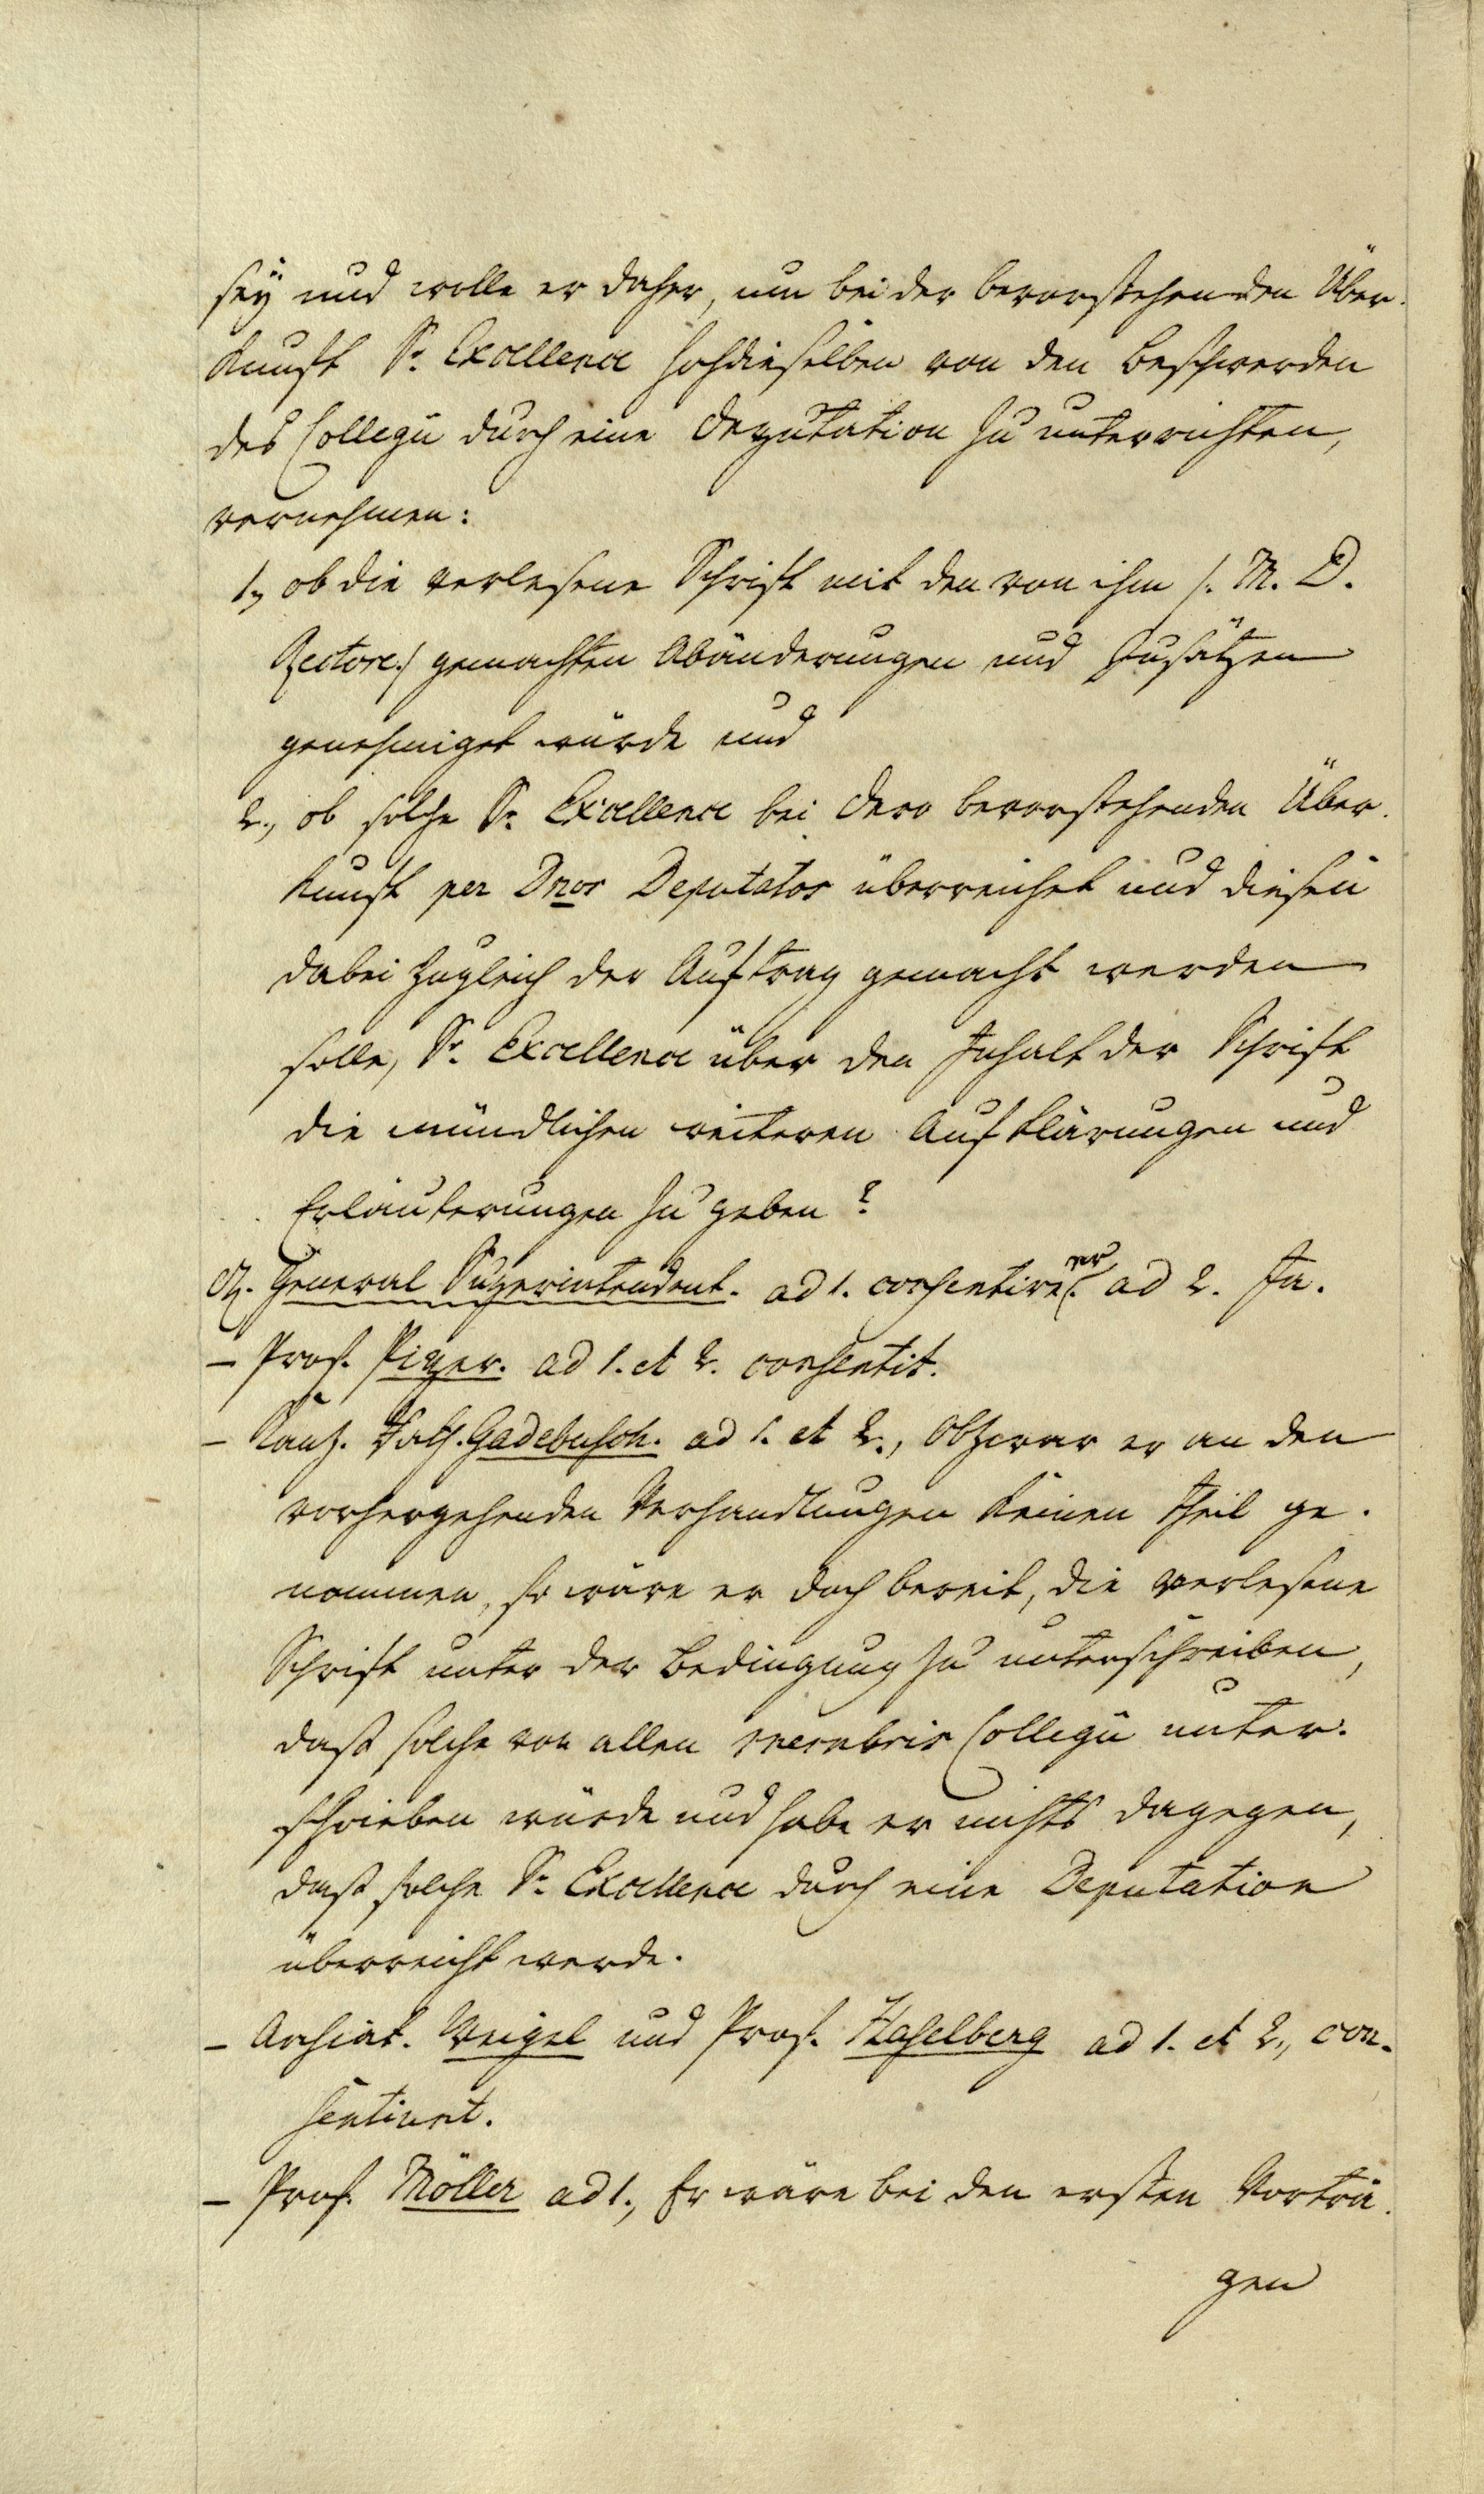seÿ und wolle er daher, um bei der bevorstehenden Über¬
kunft Sr Excellence hochdieselben von den Beschwerden
des Collegii durch eine Deputation zu unterrichten,
vernehmen:
1., ob die verlesene Schrift mit den von ihm /. M. D.
Rectore ./ gemachten Abänderungen und Zusätzen
genehmiget würde und
2., ob solche Sr Excellence bei der bevorstehenden Über¬
kunft per Dnos Deputatos überreichet und diesen
dabei zugleich der Auftrag gemacht werden
solle, Sr. Excellence über den Inhalt der Schrift
die mündlichen weiteren Aufklärungen und
Erläuterungen zu geben ?
dh. General Superintendent. ad 1. corsentire er. ad 2. Ja.
Prof. Piper. ad 1. et 2. consentit.
Kanz. Rath Gadebusch. ad 1. et 2., obzwar er an den
vorhergehenden Verhandlungen keinen Theil ge¬
nommen, so wäre er doch bereit, die verlesene
Schrift unter der Bedingung zu unterschreiben,
daß solche von allen Membris Collegii unter¬
schrieben würde und habe er nichts dagegen,
daß solche Sr. Excellence durch eine Deputation
überreicht werde.
Archiat. Weigel und Prof. Haselberg ad 1. et 2, con¬
sentiunt.
Prof. Möller ad 1., Er wäre bei den ersten Vorträ¬
gen